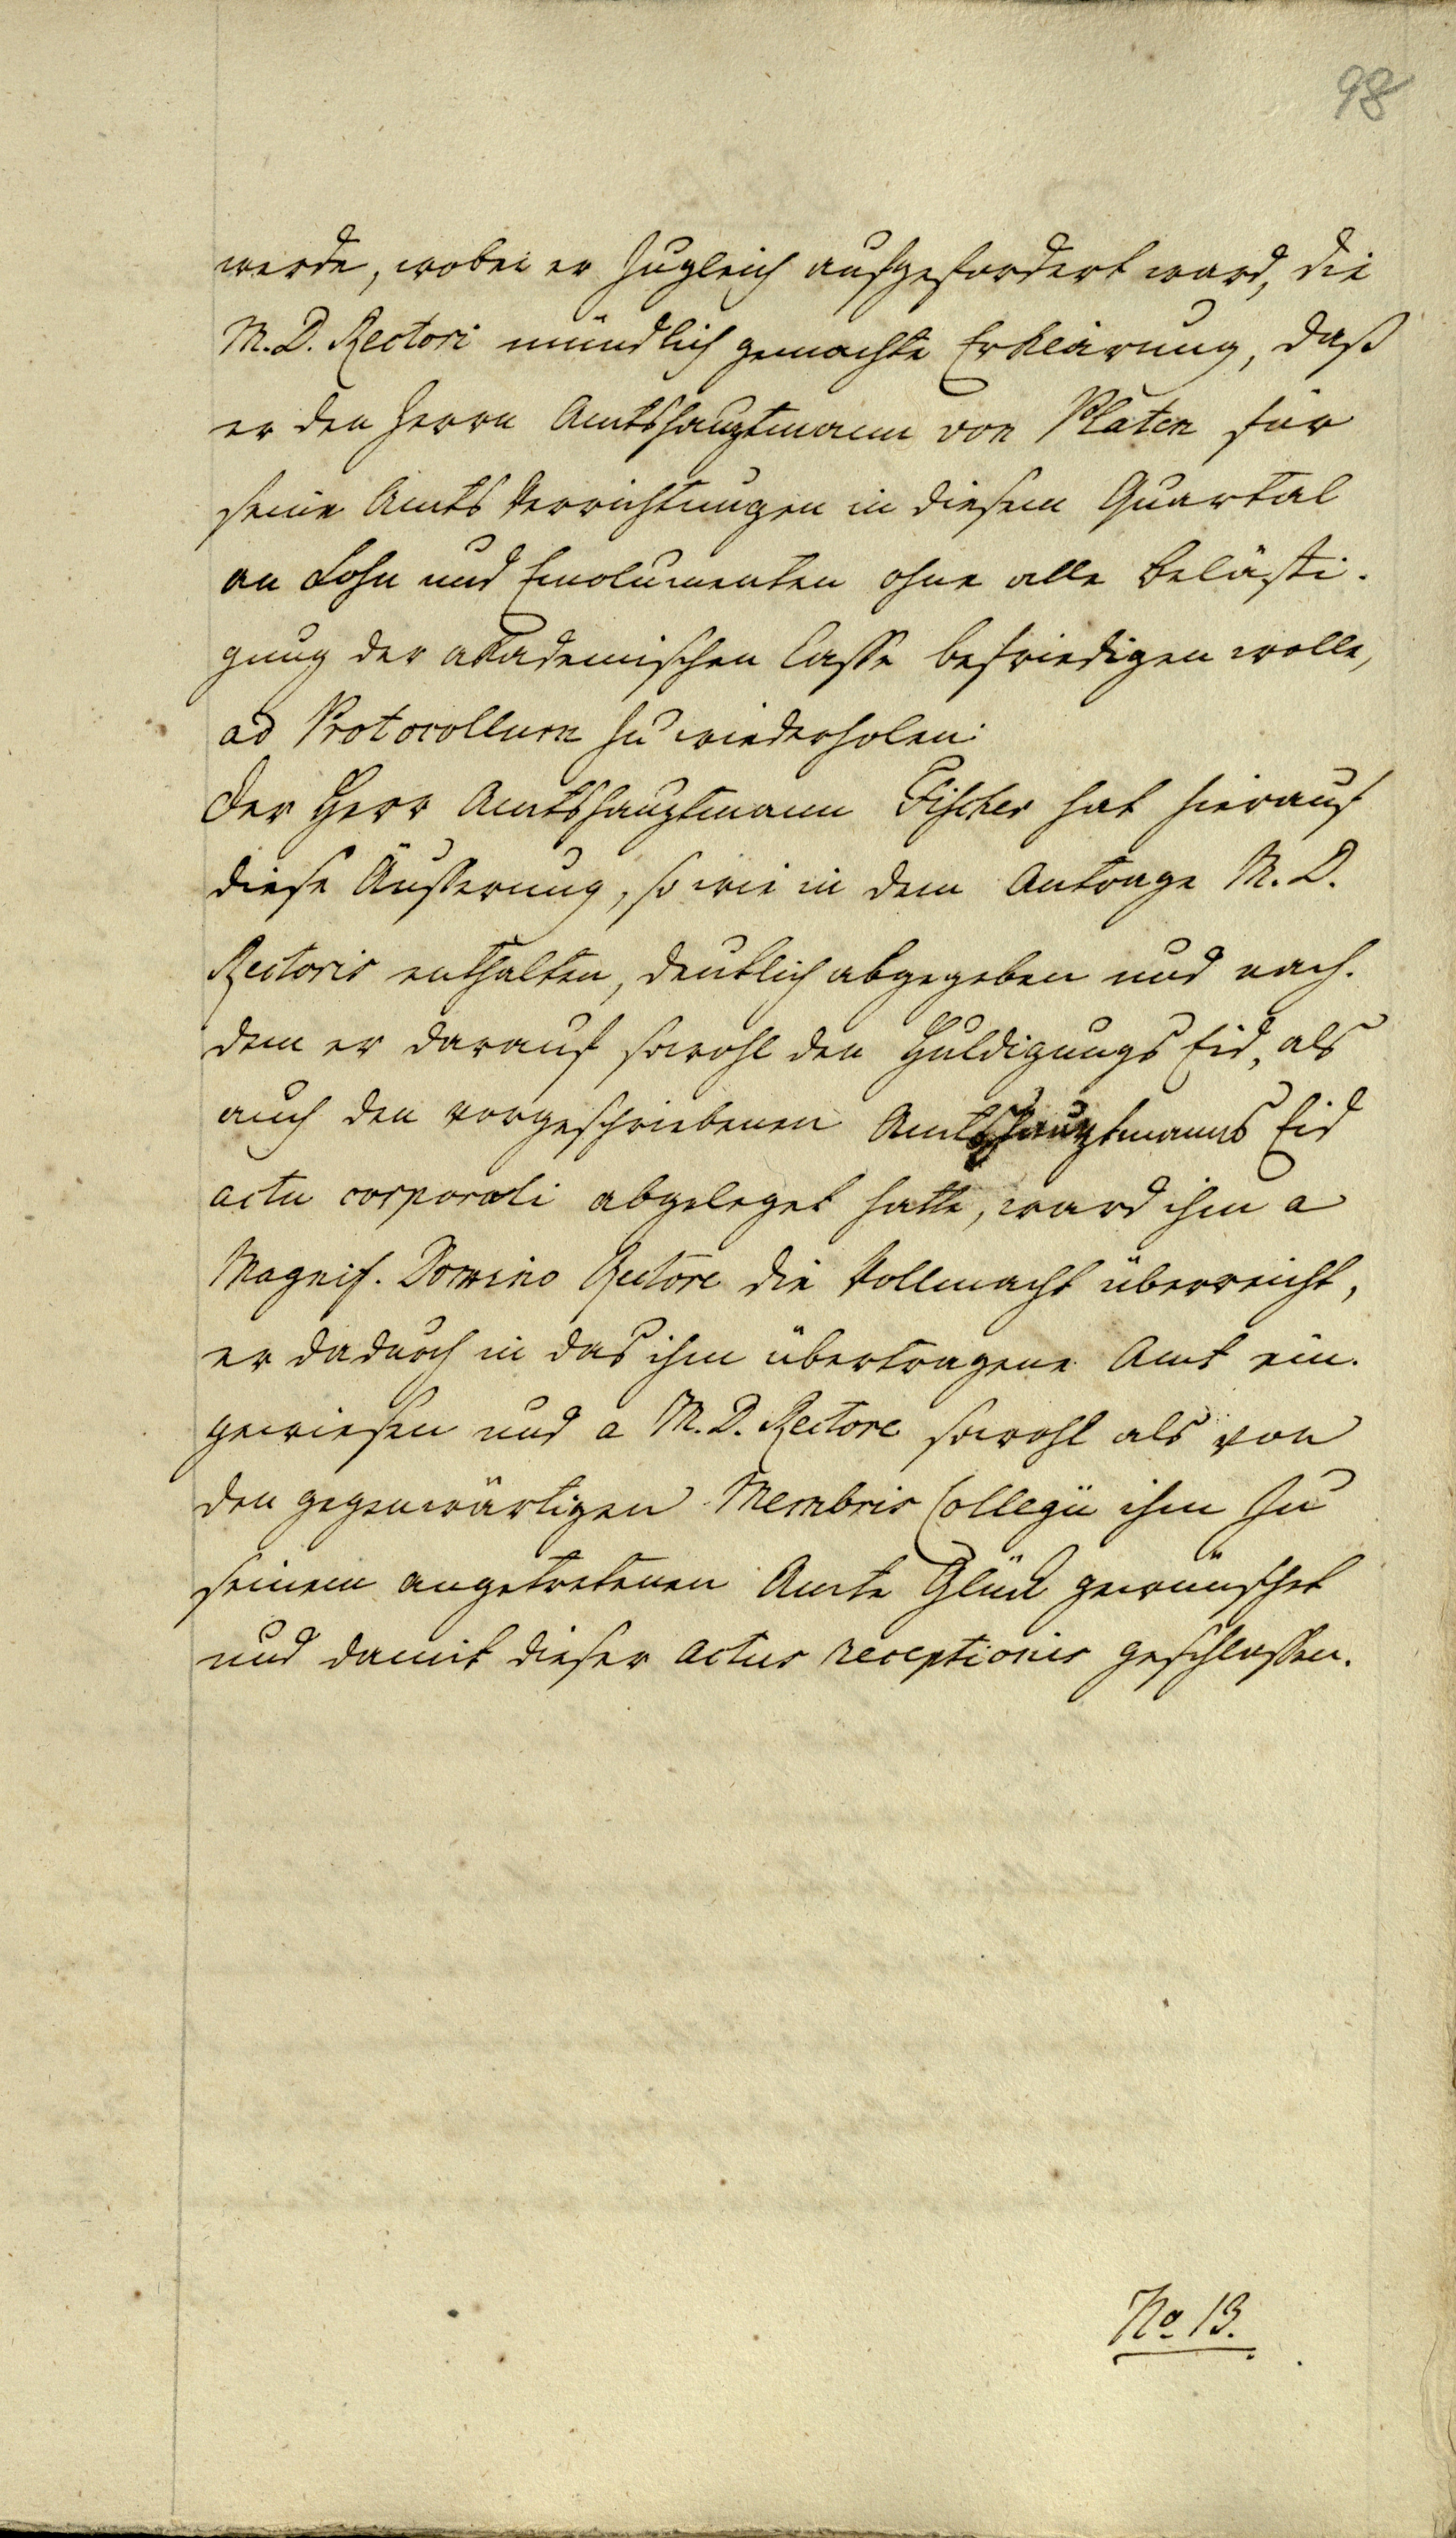werde, wobei er zugleich aufgefordert ward, die
M. D. Rectori mündlich gemachte Erklärung, daß
er den Herrn Amtshauptmann von Platen für
seine Amts Verrichtungen in diesem Quartal
an Lohn und Emolumenten ohne alle Belästi¬.
gung der akademischen Casse befriedigen wolle,
ad Protocollum zu wiederholen:
Der Herr Amtshauptmann Fischer hat hierauf
diese Äusserung, so wie in dem Antrage M. D.
Rectoris enthalten, deutlich abgegeben und nach¬
dem er darauf sowohl den Huldigungs Eid, als
auch den vorgeschriebenen Amtshauptmanns Eid
actu corporali abgeleget hatte, ward ihm a
Magnif. Domino Rectore die Vollmacht überreicht,
er dadurch in das ihm übertragene Amt ein¬
gewiesen und a M. D. Rectore sowohl als von
den gegenwärtigen Membris Collegii ihm zu
seinem angetretenen Amte Glück gewünschet
und damit dieser Actus receptionis geschlossen.
No 13.